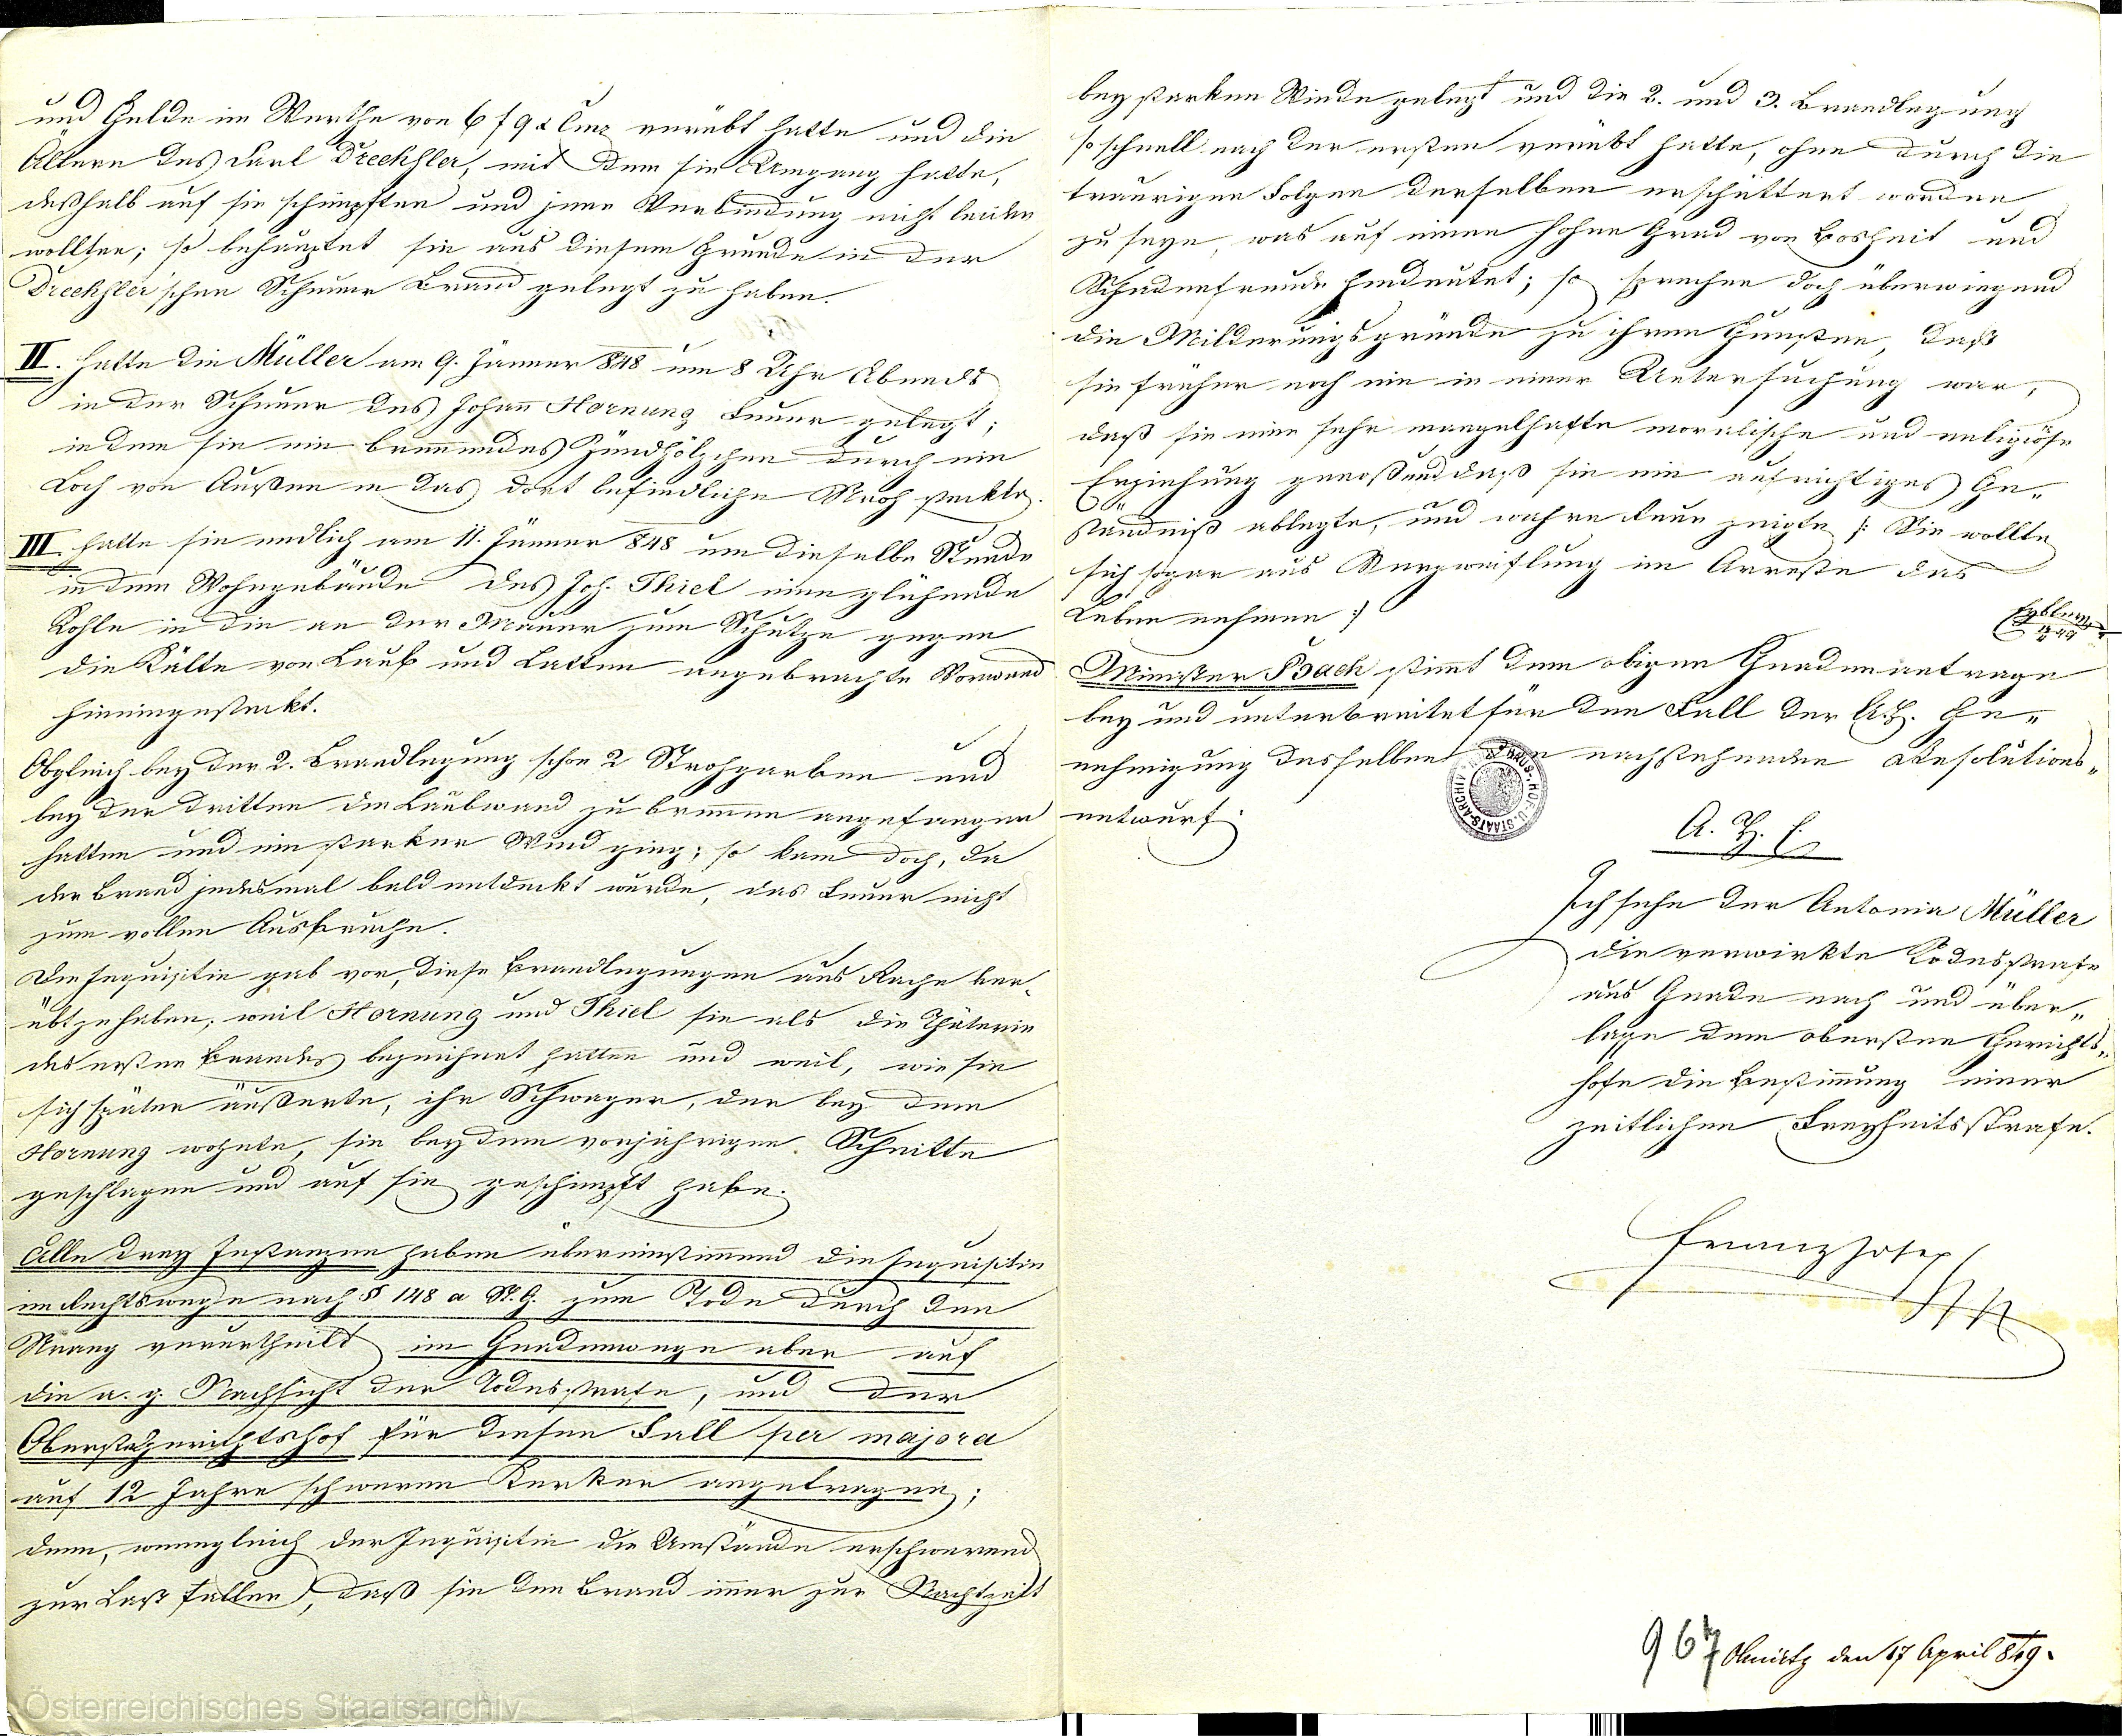und Gelde im Werthe von 6f 9x Cmz verübt hatte und die
Ältern des Carl Drechsler, mit dem sie Umgang hatte,
deshalb auf sie schimpften und jene Verbindung nicht leiden
wollten, so behauptet sie aus diesem Grunde in der
Drechsler’schen Scheuer [barn] Brand gelegt zu haben.
II. hatte die Müller am 9. Jänner [1]848 um 8 Uhr Abends
in der Scheuer des Johann Hornung Feuer gelegt;
in dem sie ein brennendes Zündhölzchen durch ein
Loch von Außen in das dort befindliche Stroh steckte.
III. hatte sie endlich am 11. Jänner 848 um dieselbe Stunde
in dem Wohnbegäude des Joh. Theil eine glühende
Kohle in die an der Mauer zum Schutze gegen
die Kälte von Laub und Latten angebrachte Vorwand
hineingesteckt.
Obleicht bey der 2. Brandlegung schon 2 Strohgarben und
bey der dritten den Laubwand zu brennen angefangen
hatten du ein starken Wind ging; so kam doch, da
der Brand jedesmal bald entdeckt wurde, das Feuer nicht
zum vollen Ausbruche.
Der Inquisitin gab vor, diese Brandlegungen aus Rache ver¬
übt zu haben, weil Hornung und Thiel sie als die Thäterin
des ersten Brandes bezeichnet hatten und weil, wie sie
sich später äußerte, ihr Schwager, der bey dem
Hornung wohnte, sie bey dem vorjährigen Schnitte
geschlagen und auf sie geschimpft habe.
Alle drey Instanzen haben übereinstimmend die Inquisitin
im Rechtswege nach §§148 a StG zum Tode durch den
Strang verurtheilt im Gnadenwege aber auf
die a.g. Nachsicht der Todesstrafe, und der
Oberste Gerichtshof für diesen Fall per majora
auf 12 Jahre schweren Kerker angetragen;
denn, wenngleich der Inquisitin die Umstände erschwerend
zur Last stellen, daß sie den Brand immer zur Nachtzeit
bey starken Winde gelegt und die 2. und 3. Brandlegung
so schnell nach der ersten verübt hatte, ohne durch die
traurigen Folgen derselben erschüttert worden
zu seyn, was auf einen hohen Grad von Bosheit und
Schadenfreude hindeutet; so sprechen doch überwiegend
die Milderungsgründe zu ihrem Gunsten, daß
sie früher noch ein in einer Untersuchung war,
daß sie eine sehr mangelhafte moralische und religiöse
Erziehung genoß und daß sie ein aufrichtiges Ge¬
stuandniß ablegte, und wahre Reue zeigte (Sie wollte
sich sogar aus Verzweiflung in Arreste das
Leben nehmen).
Eybler
13/4 49
Minister Bach stimmt dem obigen Gnadenantrage
bey und unterbreitet für den Fall der A. H. Ge¬
nehmigung desselben den nachstehenden Resolutions¬
entwurf.
Ah. E.
Ich sehe der Antonia Müller
die verwirkte Todesstrafe
aus Gnade nach und über¬
lasse dem obersten Gerichts¬
hofe die Bestimmung einer
zeitlichen Freiheitsstrafe.
Franz Joseph
Olmütz den 17. April 1849